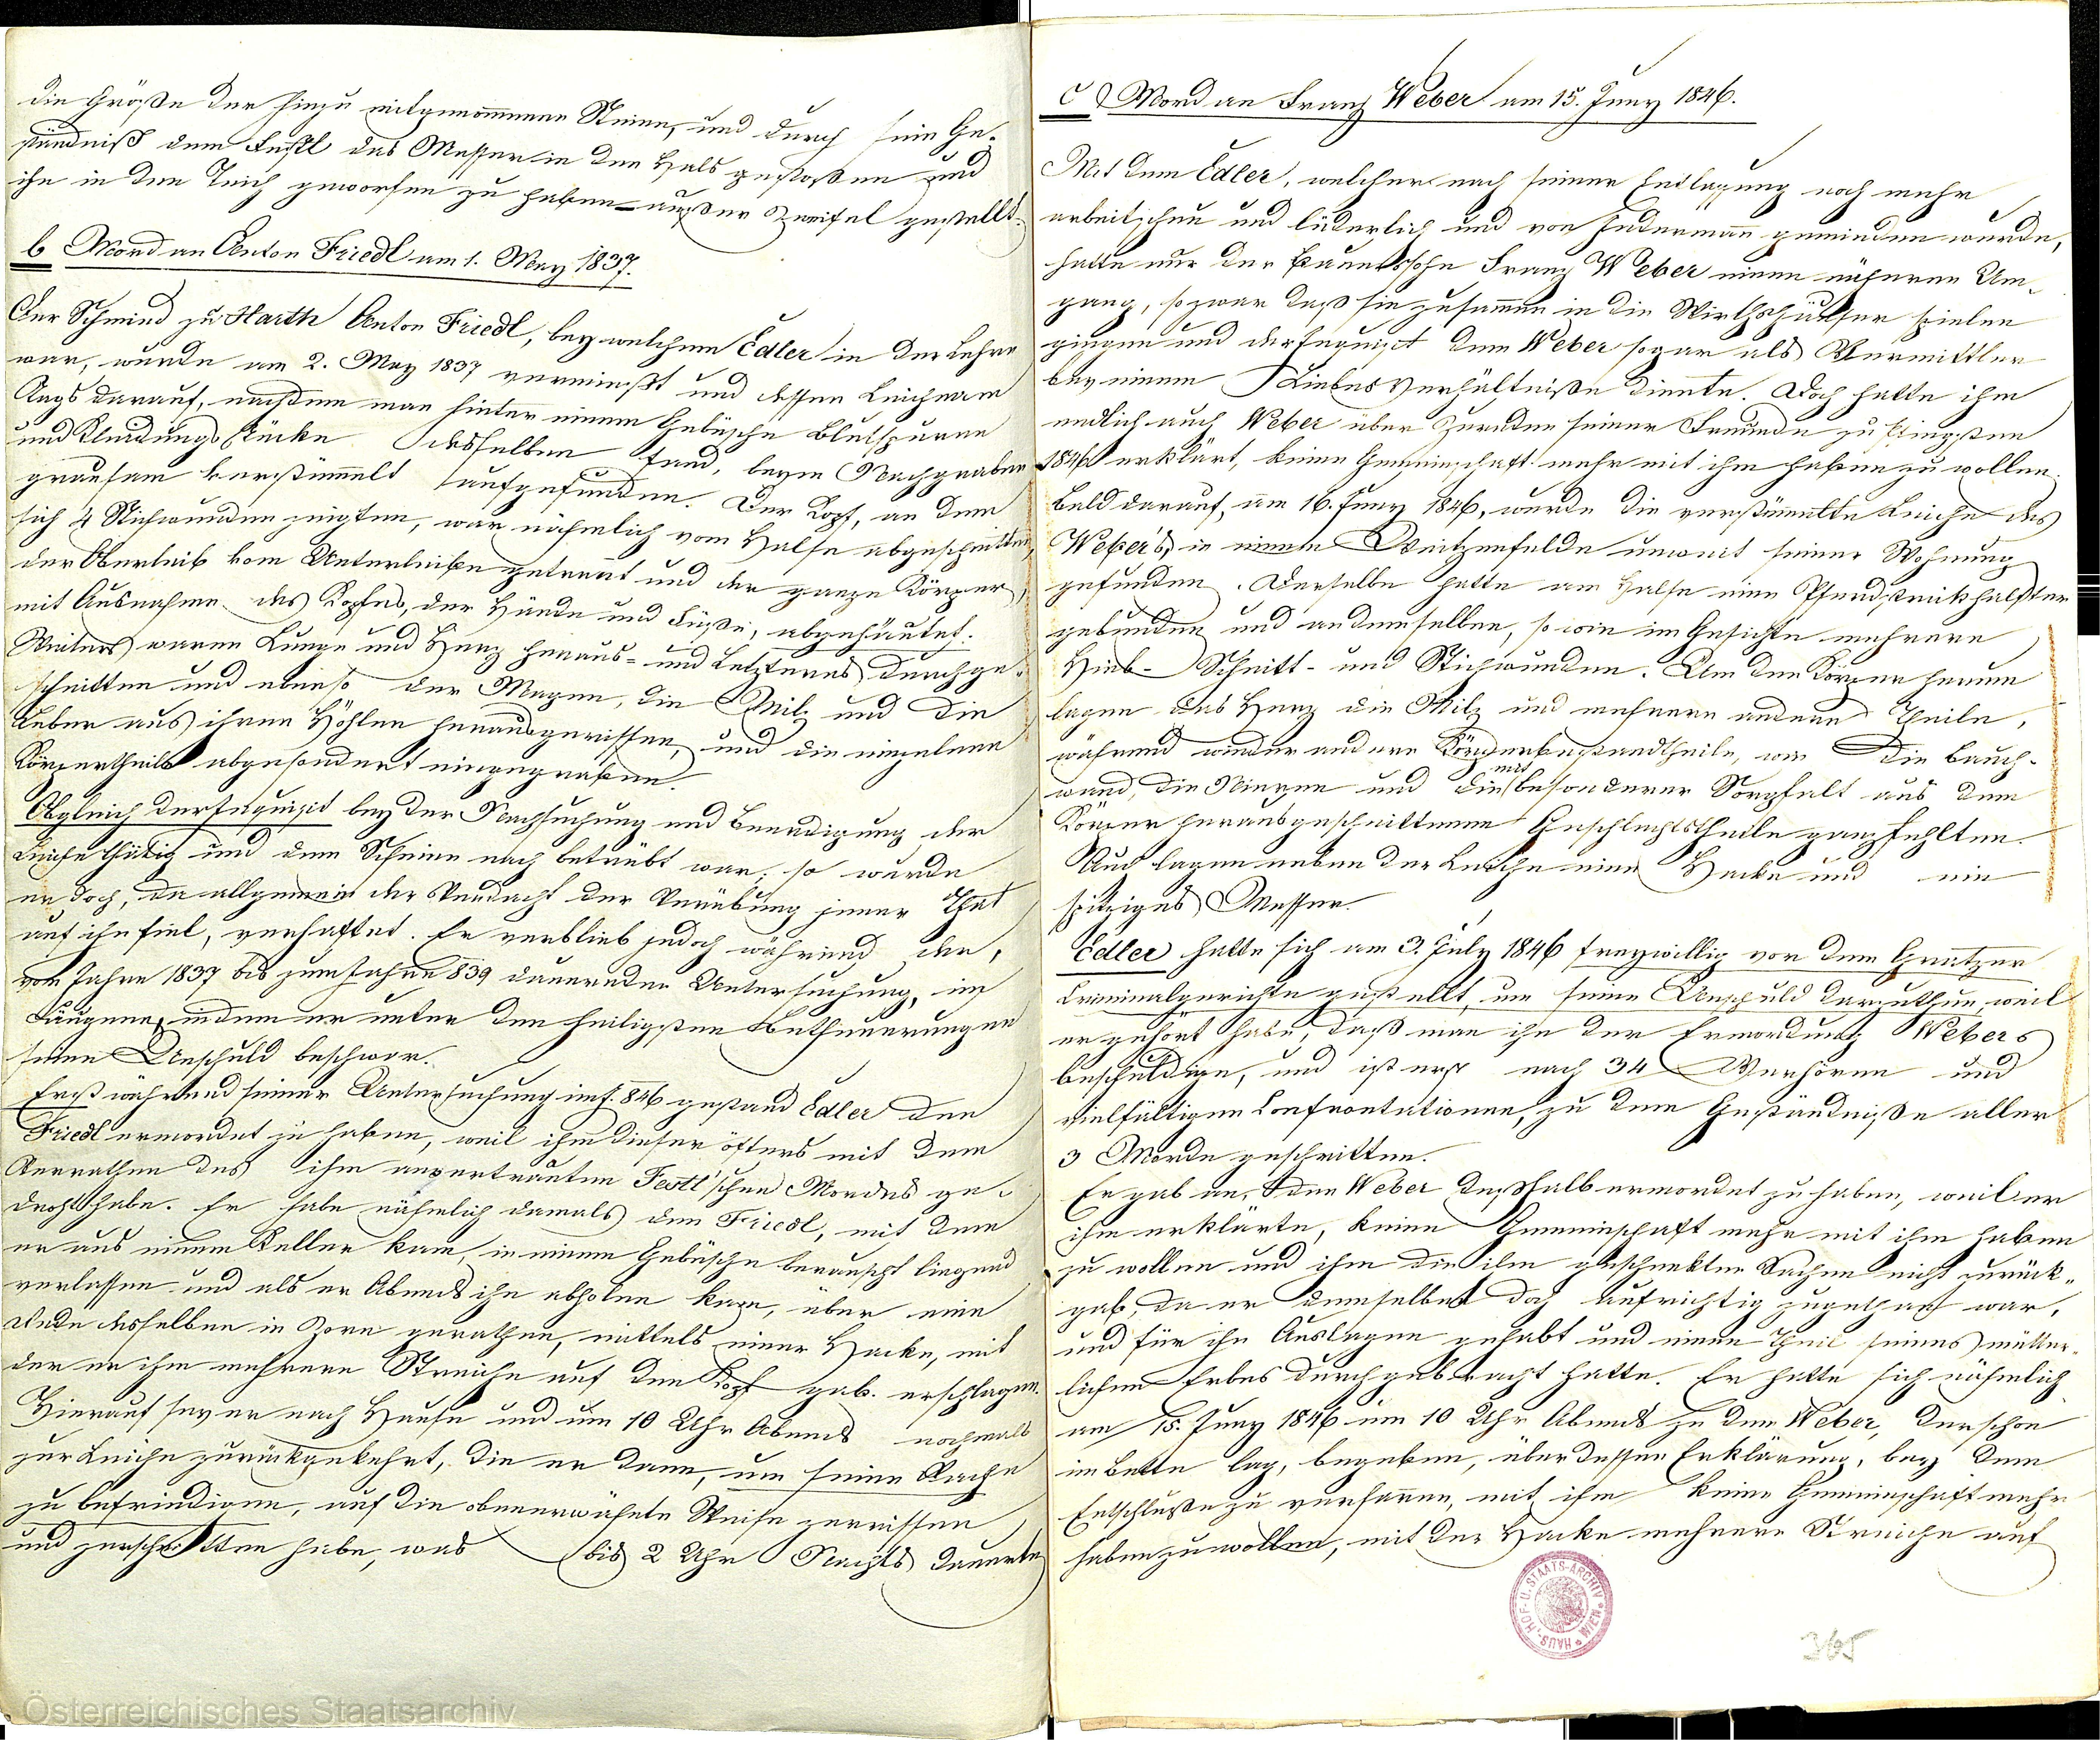die Größe der hinzu mitgenommenen Steine, und durch sein Ge¬
ständniß dem Festl das Messer in den Hals gestoßen und
ihn in den Teich geworfen zu haben außer Zweifel gestellt.
b Mord an Anton Friedl am 1. May 1837
Der Schmid zu Harth Anton Friedl, bey welchem Edler in der Lehre
war, wurde am 2. May 1837 vermießt und dessen Leichnam
Tags darauf, nachdem man hinter einem Gebüsche Blutspuren
und Kleidungsstücke desselben fand, beym Nachgraben
grausam verstümmelt aufgefunden. Der Kopf, an dem
sich 4 Stiefwunden zeigten, war nähmlich vom Halse abgeschnitten,
der Oberleib vom Unterleibe getrennt und der ganzen Körper,
mit Ausnahme des Kopfes, der Hände und Füße, abgehäutet.
Weiters waren Lunge und Herz heraus- und Letzteres durch ge¬
schnitten und ebenso der Magen, die Milz und die
Leber aus ihren Höhlen herausgerissen, und die einzelne
Körpertheile abgesondert eingegraben.
Obgleich der Inquisit bey der Nachsuchung und Beerdigung der
Leiche thätig und dem Scheine nach betrübt war, so wurde
er doch, da allgemein der Verdacht der Verübung jener That
auf ihn fiel, verhaftet. Er verblieb jedoch während der,
vom Jahre 1837 bis zum Jahre 1839 dauernden Untersuchung, im
Läugnen, in dem er unter den heiligsten Betheuerungen
seine Unschuld beschwor.
Erst während seiner Untersuchung im J. 846 gestand Edler den
Frield ermordet zu haben, weil ihm dieser öfters mit dem
Verrathen des ihm anvertrauten Festl’schen Mordes ge¬
droht habe. Er habe nähmlich damals dem Friedl, mit dem
er aus einem Keller kam, in einem Gebüsche berauscht liegend
verlassen und as er Abends ihn abholen kam, über eine
Rede desselben in Zorn gerathen, mittels einer Hacke, mit
der er ihm mehrere Streiche auf den Kopf gab erschlagen.
Hierauf sey er nach Hause und um 10 Uhr Abends nochmals
zur Leiche zurückgekehrt, die er dann, um seine Rache
zu befriedigen, auf die obenerwähnte Weise zerrissen
und zerschnitten habe, was bis 2 Uhr Nachts dauerte.
c. Mord an Franz Weber am 15. Juny 1846
Mit dem Edler, welcher nach seiner Entlassung noch mehr
arbeitscheu und lüderlich und von Jedermann gemieden wurde,
hatte nur der Bauerssohn Franz Weber einen näheren Um¬
gang, so zwar daß sie zusammen in die Wirthshäuser spielen
gingen und der Inquisit dem Weber sogar als Vermittler
bey einem Liebesverhältniße diente. Doch hatte ihm
endlich auch Weber über Zureden seiner Freunden zu Pfingsten
1846 erklärt, keine Gemeinschaft mehr mit ihm haben zu wollen.
Bald darauf, am 16. Juny 1846, wurde die verstümmelte Leiche des
Weber’s in einen Weitzenfelde unweit seiner Wohnung
gefunden. Derselbe hatte am Halse eine Pferdstrickhaltter
gebunden und an demselben, so wie im Gesichte mehrere
Hieb- Schnitt- und Stichwunden. Um den Körper herum
lagen das Herz die milz und mehrere andere Theile,
während wieder andere Körperbestandtheile, wie die Bauch¬
mit
wand die Nieren und die besonderer Sorgfalt aus dem
Körper herausgeschnittenen Geschlechtstheile ganz fehlten.
Auch lagen neben der Leiche eine Hacke und ein
spitziges Messer.
Edler hatte sich am 3. July 1846 freywillig vor dem Gratzer
Criminalgerichte gestellt, um seine Unschuld darzuthun, weil
er gehört habe, das man ihn der Ermordung Webers
beschuldige, und ist erst nach 34 Verhören und
vielfältigen Confrontationen, zu dem Geständniße aller
3 Morde geschritten.
Er gab an, den Weber deßhalb ermordet zu haben, weil er
ihm erklärte, keine Gemeinschaft mehr mit ihm haben
zu wollen und ihm die ihm geschenkten Sachen nicht zurück¬
gab, da er demselben doch aufrichtig zugethan war,
und für ihn Auslagen gehabt und einen Theil seines mutter¬
lichen Erbes durchgebracht hatte. Er hatte sich nähmlich
am 15. Juny 1846 um 10 Uhr Abends zu dem Weber, der schon
im Bette lag, begeben, über dessen Erklärung, bey dem
Entschluße zu verharren, mit ihm keine Gemeinschaft mehr
haben zu wollen, mit der Hacke mehrere Streiche auf
365